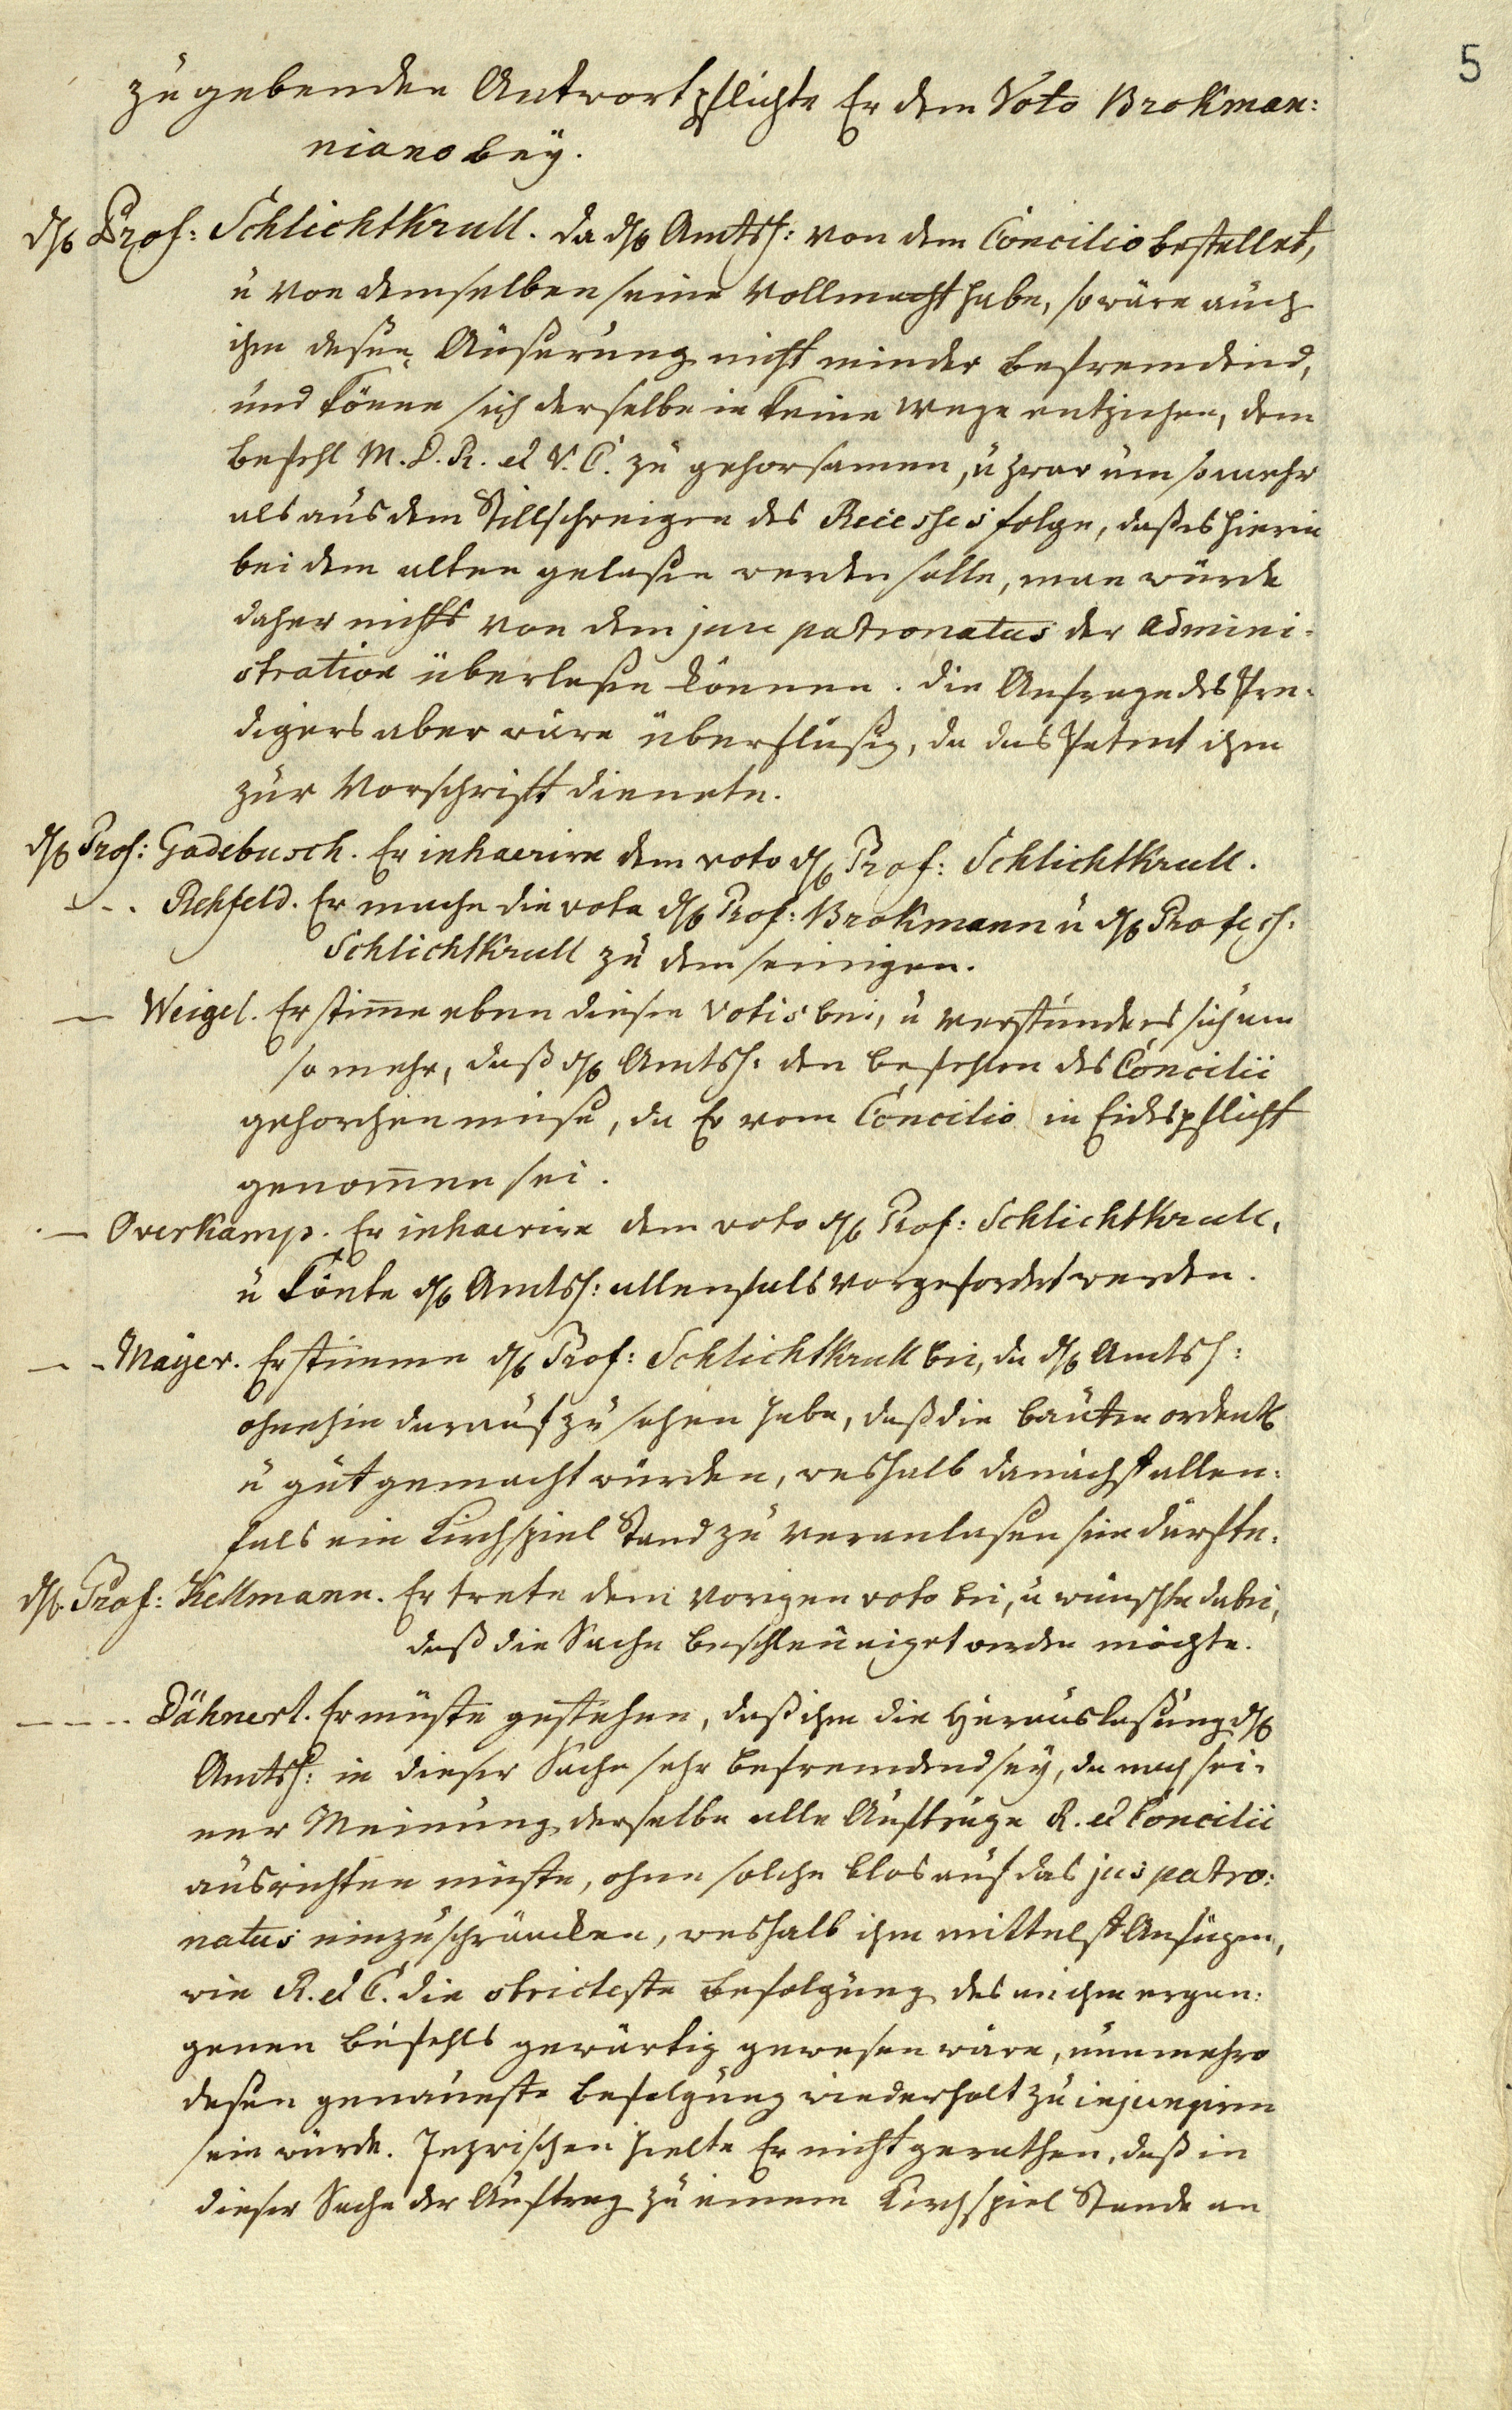zu gebenden Antwort pflichte Er dem Voto Brokman¬
niano beÿ.
dh Prof. Schlichtkrull. Da dh Amtsh. von dem Concilio bestellet,
u von demselben seine Vollmacht habe, so wäre auch
ihm deßen Äußerung nicht minder befremdend,
und könne sich derselbe in keine wege entziehen, dem
Befehl M. D. R. et V. C. zu gehorsamen, u zwar umsomehr
als aus dem Stillschweigen des Recesses folge, daß es hierin
bei dem alten gelaßen werden solle, man würde
daher nichts von dem jure patronatus der Admini¬
stration überlaßen können. Die Anfrage des Pre¬
digers aber wäre überflüßig, da des Patent ihm
zur Vorschrift dienete.
dh. Prof. Gadebusch. Er inhaerire dem voto dh Prof. Schlichtkrull.
Rehfeld. Er mache die vota dh. Prof. Brokmannn u dh Profess.
Schlichtkrull zu dem seinigen.
Weigel. Er stime eben diesen votis bei, zu verstünde es sich um
so mehr, daß dh Amtsh. den Befehlen des Concilii
gehorchen müße, da Er vom Concilio in Eidespflicht
genomen sei.
Overkamp. Er inhaerire dem voto dh Prof. Schlichtkrull,
u könte dh Amtsh. allenfals vorgefordert werden.
Maÿer. Er stimme dh. Prof. Schlichtkrull bei, da dh Amtsh.
ohnehin darauf zu sehen habe, daß die Bauten ordentl.
u gut gemacht würden, weshalb danächst allen¬
fals ein Kirchspiel Stand zu veranlaßen sein dürfte.
dh. Prof. Kellmann. Er trete dem vorigen voto bei, u wünschte dabei,
daß die Sache beschleuniget worden mögte.
Dähnert. Er müßte gestehen, daß ihm die Herauslaßung dh
Amtsh. in dieser Sache sehr befremdend seÿ, da nach sei¬
ner Meinung, derselbe alle Aufträge R. et Concilii
ausrichten müßte, ohne solche blos auf das jus patro¬
natus einzuschräncken, weshalb ihm mittelst Anfügen,
wie R. et C. die stricteste Befolgung des an ihm ergan¬
genen Befehls gewärtig gewesen wäre, nunmehro
deßen genaueste Befolgung wiederholt zu injungiren
sein würde. Inzwischen hielte Er nicht gerathen, daß in
dieser Sache der Auftrag zu einem Kirchspiel Stande an